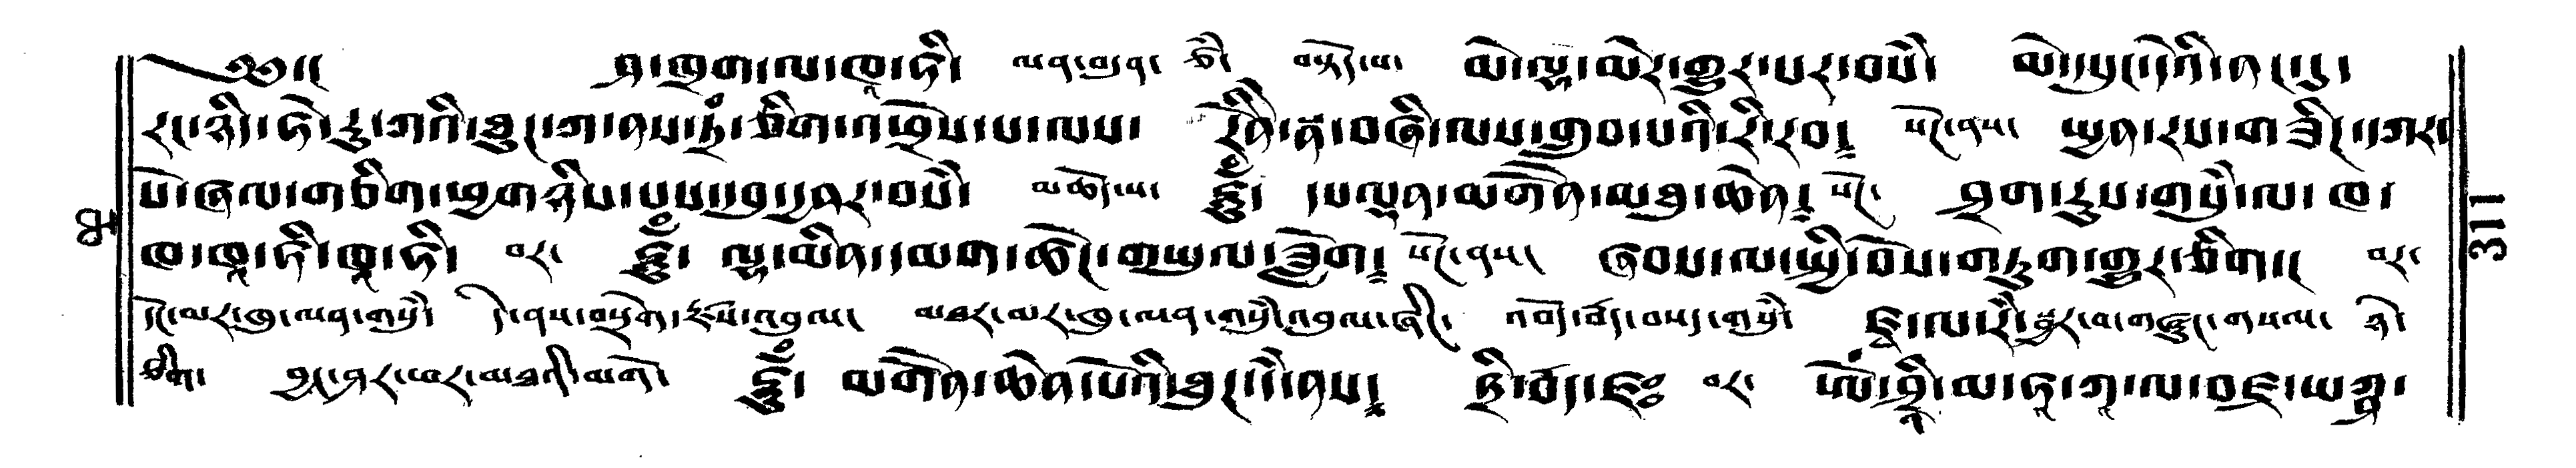ཤ་ཁྲག་ལ་ཁཱ་ཧི། ལན་བདུན་ཙམ། བསྟོད་པ། མེ་ལྷ་མེར་གྱུར་པར་བསམ། མེ་དཔུང་དེའི་ནང་དུ་
རང་ཉིད་ཧེ་རུ་ཀའི་ཐུགས་ཀ་ནས་ཏྲཾ་ཅིག་འཕྲོས་པ་ལས། རིན་པོ་ཆེ་སྣ་བཞི་ལས་གྲུབ་པའི་རི་རབ༴ སོགས་ནས། སྤྱན་རས་གཟིགས་དཀར་
པོ་ཞལ་གཅིག་ཕྱག་གཉིས་པས་དབུ་རྒྱན་པར་བསམ། མཆོད་པ། ཧཱུྃ། དཔལ་ལྡན་མགོན་པོ་མཐུ་ཆེན༴ སོགས། ཤ་ཁྲག་རུས་གསུམ་ལ་ཁ་
ཁ་ཁཱ་ཧི་ཁཱ་ཧི། བར། ཧཱུྃ། ལྷ་མིན་དམག་ཚོགས་གཡུལ་ཟློག༴ སོགས་ནས། ཞབས་ལ་སྤྱི་བོས་གཏུག་གྱུར་ཅིག བར་
དང་། མར་ཁུ་ལན་གསུམ། དེ་ནས་བསྲེག་རྫས་འབུལ། མཐར་མར་ཁུ་ལན་གསུམ་འབུལ་ཞིང་། འབོད་རྦད་བསད་གསུམ། ཛྭ་ལ་རྃ༴ སྦྱར་བ་གཞུང་གསལ།ཉེར་
གཅིག བྱང་ཤར་ཕ་མཐའི་འགོ ཧཱུྃ། མགོན་པོ་ཆེན་པོའི་ཐུགས་དམ༴ ནས། ནྲི་རྦད་ཛཿ བར། ཨོཾ་ཤྲཱི་མ་ཧཱ་ཀཱ་ལ་བཛྲ་ཡཀྴ་